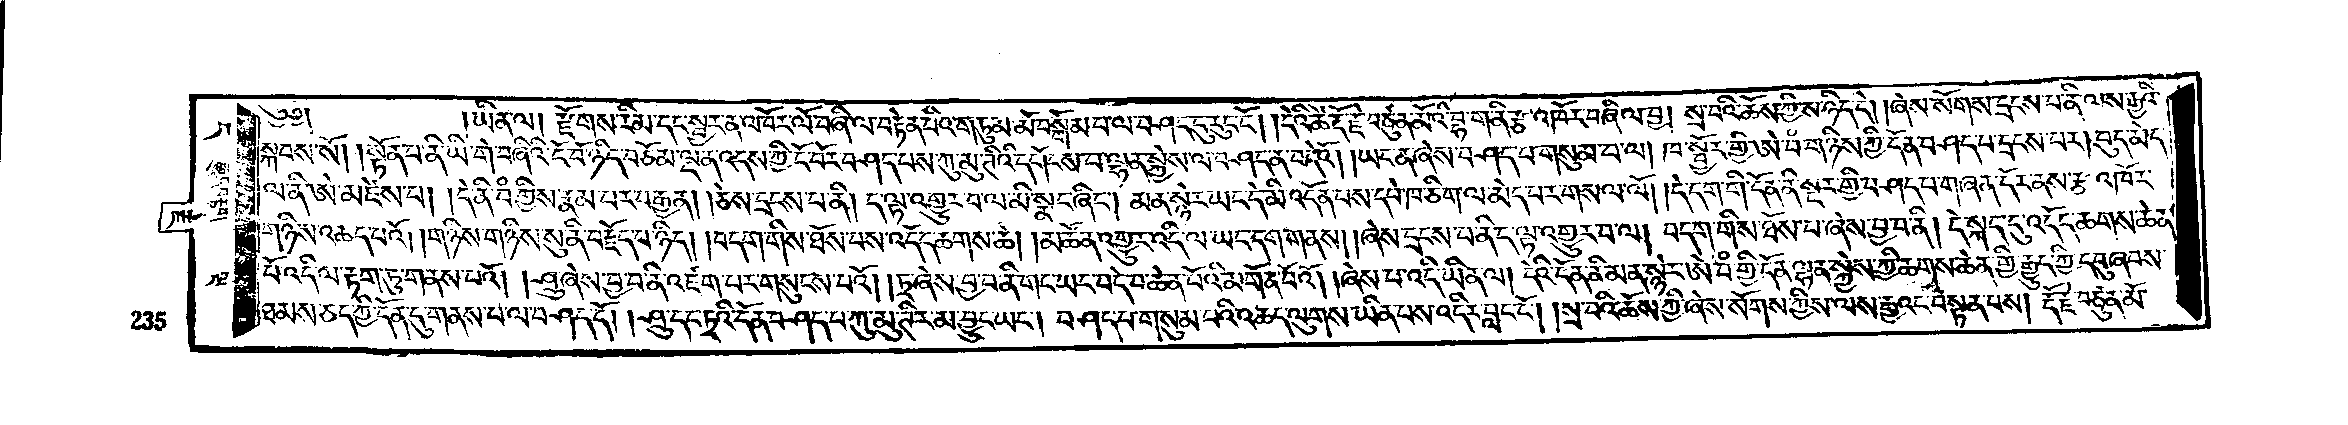༄༅། །ཡིན་ལ། རྫོགས་རིམ་དང་སྦྱར་ན་འཁོར་ལོ་བཞི་ལ་བརྟེན་པའི་གཏུམ་མོ་བསྒོམ་པ་ལ་བཤད་དུ་རུང་ངོ། །དེའི་ཚེ་རྡོ་རྗེ་བཙུན་མོའི་བྷ་ག་ནི་རྩ་འཁོར་བཞི་ལ་བྱ། སྲ་བའི་ཆོས་ཀྱི་ས་ཉིད་དེ། །ཞེས་སོགས་དྲངས་པ་ནི་ལས་རྒྱའི་
སྐབས་སོ། །སྟོན་པ་ནི་ཡི་གེ་བཞིའི་ངོ་བོ་ཉིད་བཅོམ་ལྡན་འདས་ཀྱི་ངོ་བོར་བཤད་པས་ཀུ་མུ་ཊིའི་དགོངས་པ་ལྷན་སྐྱེས་ལ་བཤད་ན་བདེའོ། །ཡང་ན་ཞེས་བཤད་པ་གསུམ་པ་ལ། ཁ་སྦྱོར་གྱི་ཨེ་བཾ་གཉིས་ཀྱི་དོན་བཤད་པ་དྲངས་པར། བུད་མེད་
ལ་ནི་ཨེ་མཛེས་པ། །དེ་ནི་བཾ་གྱིས་རྣམ་པར་བརྒྱན། །ཅེས་དྲངས་པ་ནི། ད་ལྟ་འགྱུར་པ་ལ་མི་སྣང་ཞིང་། མན་སྙེར་ཡང་དེ་མི་འདོན་པས་དཔེ་ཁ་ཅིག་ལ་མེད་པར་གསལ་ལོ། །དེ་དག་གི་དོན་ནི་སྔར་གྱི་བཤད་པ་གཞན་དོར་ནས་རྩ་འཁོར་
གཉིས་འཆད་པའོ། །གཉིས་གཉིས་སུ་ནི་བརྗོད་པ་ཉིད། །བདག་གིས་ཐོས་པས་འདོད་ཆགས་ཆེ། །མཚོན་འགྱུར་འདི་ལ་ཡང་དག་གནས། །ཞེས་དྲངས་པ་ནི་ད་ལྟ་འགྱུར་བ་ལ། བདག་གིས་ཐོས་པ་ཞེས་བྱ་བ་ནི། དེ་སྐད་དུ་འདོད་ཆགས་ཆེན་
པོ་འདི་ལ་རྟག་ཏུ་གནས་པའོ། །ཤྲུ་ཞེས་བྱ་བ་ནི་འཛག་པར་གསུངས་པའོ། །ཏྲ་ཞེས་བྱ་བ་ནི་གང་ཡང་བདེ་བ་ཆེན་པོའི་མགོན་པོའོ། །ཞེས་པ་འདི་ཡིན་ལ། དེའི་དོན་ནི་མན་སྙེར་ཨེ་བཾ་གྱི་དོན་ལྷན་སྐྱེས་ཀྱི་ཆགས་ཆེན་གྱི་རྒྱུད་ཀྱི་དབུ་ཞབས་
ཐམས་ཅད་ཀྱི་དོན་དུ་གནས་པ་ལ་བཤད་དོ། །ཤྲུ་དང་ཏྲའི་དོན་བཤད་པ་ཀུ་མུ་ཊིར་མ་བྱུང་ཡང་། བཤད་པ་གསུམ་པའི་འཆད་ལུགས་ཡིན་པས་འདིར་བླང་ངོ། །སྲ་བའི་ཆོས་ཀྱི་ཞེས་སོགས་ཀྱིས་ལས་རྒྱའང་བསྟན་པས། རྡོ་རྗེ་བཙུན་མོ་